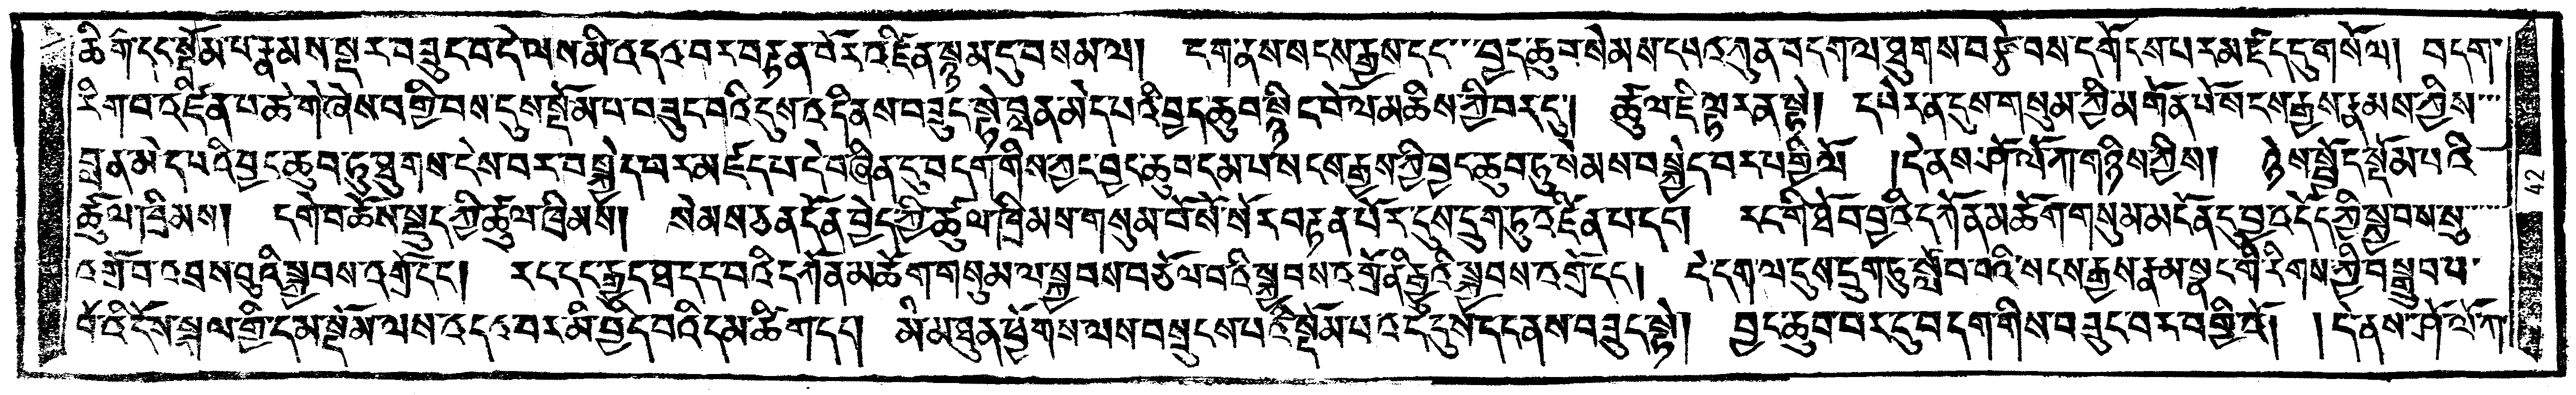ཚིག་དང་སྡོམ་པ་རྣམས་སྔར་བཟུང་བ་དེ་ལས་མི་འདའ་བར་བརྟན་བོར་འཛིན་སྙམ་དུ་བསམ་ལ། ངག་ནས་སངས་རྒྱས་དང་བྱང་ཆུབ་སེམས་དཔའ་ཀུན་བདག་ལ་ཐུགས་བརྩེ་བས་དགོངས་པར་མཛད་དུ་གསོལ། བདག་
རིག་བ་འཛིན་པ་ཆེ་གེ་ཞེས་བགྱི་བས་དུས་སྡོམ་པ་བཟུང་བའི་དུས་འདི་ནས་བཟུང་སྟེ་བླ་ན་མེད་པའི་བྱང་ཆུབ་སྙིང་པོ་ལ་མཆིས་ཀྱི་བར་དུ། ཚུལ་ཇི་ལྟར་ན་སྟེ། དཔེར་ན་དུས་གསུམ་གྱི་མགོན་པོ་སངས་རྒྱས་རྣམས་ཀྱིས་
བླ་ན་མེད་པའི་བྱང་ཆུབ་ཏུ་ཐུགས་ངེས་བར་བསྐྱེད་བར་མཛད་པ་དེ་བཞིན་དུ་བདག་གིས་ཀྱང་བྱང་ཆུབ་དམ་པ་སངས་རྒྱས་ཀྱི་བྱང་ཆུབ་ཏུ་སེམས་བསྐྱེད་བར་བགྱིའོ། །དེ་ནས་ཤོ་ལོ་ཀ་གཉིས་ཀྱིས། ཉེས་སྤྱོད་སྡོམ་པའི་
ཚུལ་ཁྲིམས། དགེ་བ་ཆོས་སྡུད་ཀྱི་ཚུལ་ཁྲིམས། སེམས་ཅན་དོན་བྱེད་ཀྱི་ཚུལ་ཁྲིམས་གསུམ་པོ་སོ་སོར་བརྟན་པོར་དུས་དྲུག་ཏུ་འཛིན་པ་དང་། རང་གི་ཐོབ་བྱའི་དཀོན་མཆོག་གསུམ་མངོན་དུ་བྱ་འདོད་ཀྱི་སྐྱབས་སུ་
འགྲོ་བ་འབྲས་བུའི་སྐྱབས་འགྲོ་དང་། རང་དང་རྒྱུད་ཐ་དད་པའི་དཀོན་མཆོག་གསུམ་ལ་སྐྱབས་བཅོལ་བའི་སྐྱབས་འགྲོ་ནི་རྒྱུའི་སྐྱབས་འགྲོ་དང་། དེ་དག་ལ་དུས་དྲུག་ཏུ་སློབ་པའི་སངས་རྒྱས་རྣམ་སྣང་གི་རིགས་ཀྱི་བསྒྲུབ་པ་
བོའི་དོས་སྐལ་གྱི་དམ་སྡོམ་ལས་འདའ་བར་མི་བྱེད་བའི་དམ་ཚིག་དང་། མི་མཐུན་ཕྱོགས་ལས་བསྲུངས་པའི་སྡོམ་པ་འདི་དུས་དང་ནས་བཟུང་སྟེ། བྱང་ཆུབ་བར་དུ་བདག་གིས་བཟུང་བར་བགྱིའོ། །དེ་ནས་ཤོ་ལོ་ཀ་